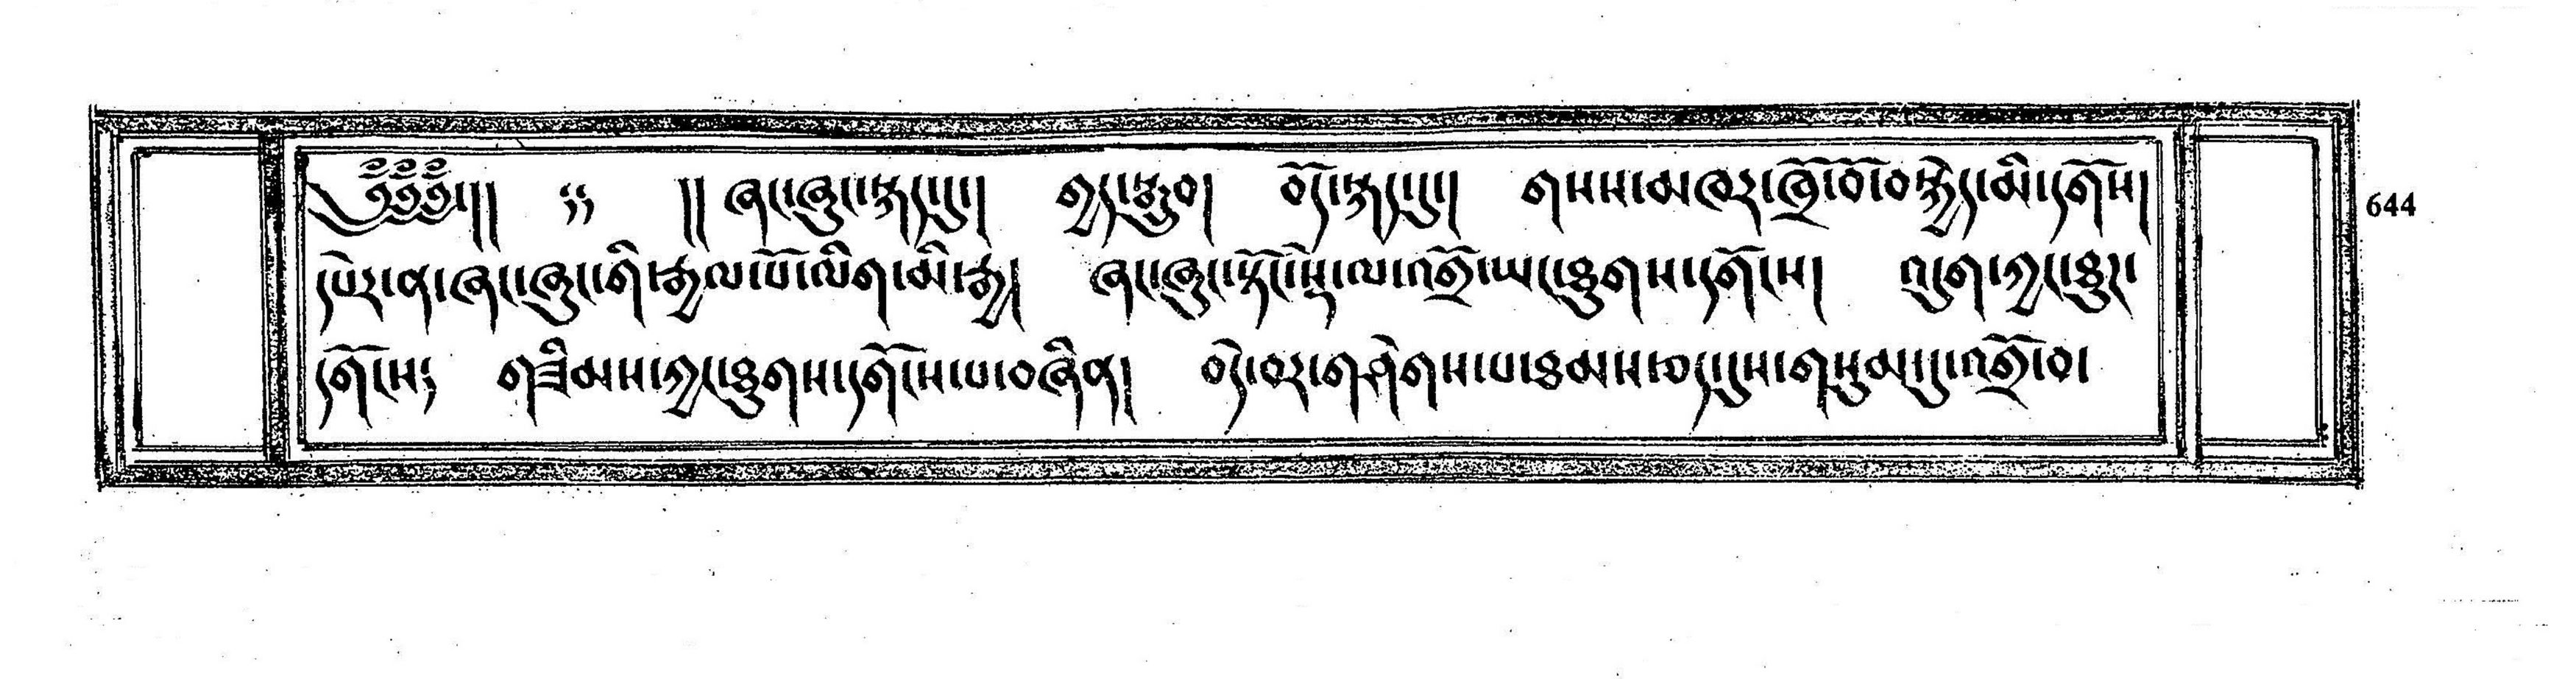༄༅༅།། །།ཞང་ཞུང་སྐད་དུ། གྱད་སྒྲུབ། བོད་སྐད་དུ། གསས་མཁར་ཁྲོ་བོ་བསྐྱེད་མི་དགོས། 
དཔེར་ན་ཞང་ཞུང་གི་རྒྱལ་པོ་ལིག་མི་རྒྱ། ཞང་ཞུང་སྟོང་སྡེ་ལ་འགྲོ་ཡང་ཐུགས་དགོངས། འདུག་ཀྱང་ཐུགས་
དགོངས། གཟིམས་ཀྱང་ཐུགས་དགོངས་པ་བཞིན། བདེ་བར་གཤེགས་པ་ཐམས་ཅད་དུས་གསུམ་དུ་འགྲོ་བ་